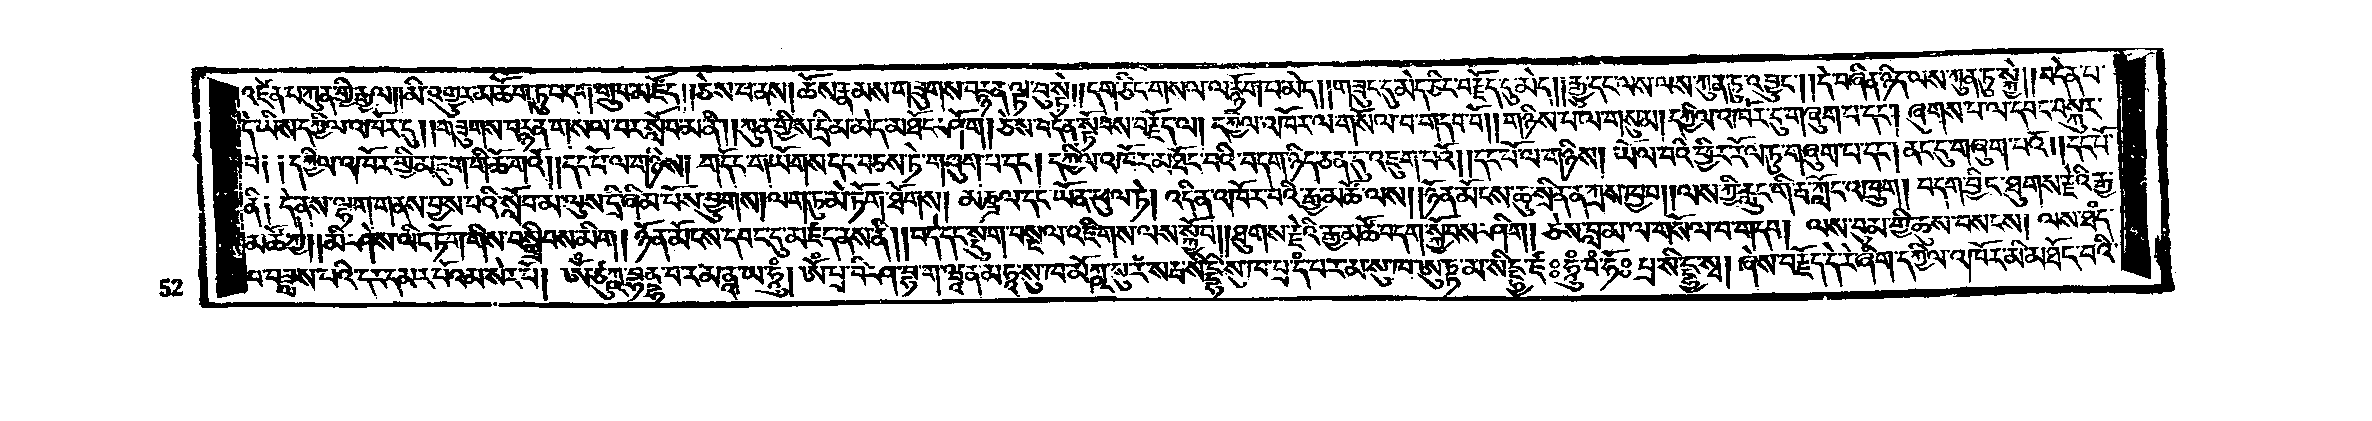འཛིན་པ་ཀུན་གྱི་རྒྱལ། །མི་འགྱུར་མཆོག་ཏུ་བདག་གྲུབ་མཛོད། །ཅེས་པ་ནས། ཆོས་རྣམས་གཟུགས་བརྙན་ལྟ་བུ་སྟེ། །དག་ཅིང་གསལ་ལ་རྙོག་པ་མེད། །གཟུང་དུ་མེད་ཅིང་བརྗོད་དུ་མེད། །རྒྱུ་དང་ལས་ལས་ཀུན་ཏུ་འབྱུང་། །དེ་བཞིན་ཉིད་ལས་ཀུན་ཏུ་སྐྱེ། །བདེན་པ་
དེ་ཡིས་དཀྱིལ་འཁོར་དུ། །གཟུགས་བརྙན་གསལ་བར་སློབ་མ་ནི། །ཀུན་གྱིས་དྲི་མ་མེད་མཐོང་ཤོག །ཅེས་བདེན་སྟོབས་བརྗོད་ལ། དཀྱིལ་འཁོར་ལ་གསོལ་བ་གདབ་བོ། །གཉིས་པ་ལ་གསུམ། དཀྱིལ་འཁོར་དུ་གཞུག་པ་དང་། ཞུགས་པ་ལ་དབང་བསྐུར་
བ༑ །དཀྱིལ་འཁོར་གྱི་མཇུག་གི་ཆོ་གའི། །དང་པོ་ལ་གཉིས། གདོང་གཡོགས་དང་བཅས་ཏེ་གཞུག་པ་དང་། དཀྱིལ་འཁོར་མཐོང་བའི་བདག་ཉིད་ཅན་དུ་འཇུག་པའོ། །དང་པོ་ལ་གཉིས། ཡོལ་བའི་ཕྱིར་རོལ་ཏུ་གཞུག་པ་དང་། ནང་དུ་གཞུག་པའོ། །དང་པོ་
ནི༑ དེ་ནས་ལྷག་གནས་བྱས་པའི་སློབ་མ་ལུས་དྲི་ཞིམ་པོས་བྱུགས། ལག་ཏུ་མེ་ཏོག་ཐོགས། མཎཌལ་དང་ཡོན་ཕུལ་ཏེ། འདི་ན་འཁོར་བའི་རྒྱ་མཚོ་ལས། །ཉོན་མོངས་ཆུ་སྲིན་ན་ཀྲས་ཁྱབ། །ལས་ཀྱི་རླུང་གི་རྦ་ཀློང་འཁྲུག །བདག་བྱིང་ཐུགས་རྗེའི་རྒྱ་
མཚོ་ཀྱེ། །མི་ཤེས་ལིང་ཏོག་གིས་བསྒྲིབས་མིག །ཉོན་མོངས་དབང་དུ་མཛད་ནས་ནི། །བདེ་དང་སྡུག་བསྔལ་འཇིགས་ལས་སྐྱོབ། །ཐུགས་རྗེའི་རྒྱ་མཚོ་བདག་སྐྱོབས་ཤིག །ཅེས་བླ་མ་ལ་གསོལ་བ་གདབ། ལས་བུམ་གྱི་ཆུས་བསངས། ལས་ཐམས་ཅད་
པ་བཟླས་ཨཔཱི་དར་དམར་པོའམ་སེར་པོ། ཨོཾ་ཙཥུ?་བྷནདྷ?་བ་ར་མ་ནཱ་ཡ་ཧཱུཾ། ཨོཾ་པྲ་བི་ཤ་བྷ་ག་ཝཱ་ན་མཧཱ་སུ་ཁ་མོཀྵ?་སུ་རོ་སརྦ་སིངདྷི?་སུ་ཁ་པྲ་དཾ་པ་ར་མ་སུ་ཁ་ཨུ་ཏྟ་མ་སིངདྷྱ?་ཛཿ ཧཱུཾ་བཾ་ཧོཿ པྲ་སིངདྷྱ?་སVཨ། ཞེས་བརྗོད་དེ་རེ་ཞིག་དཀྱིལ་འཁོར་མི་མཐོང་བའི་